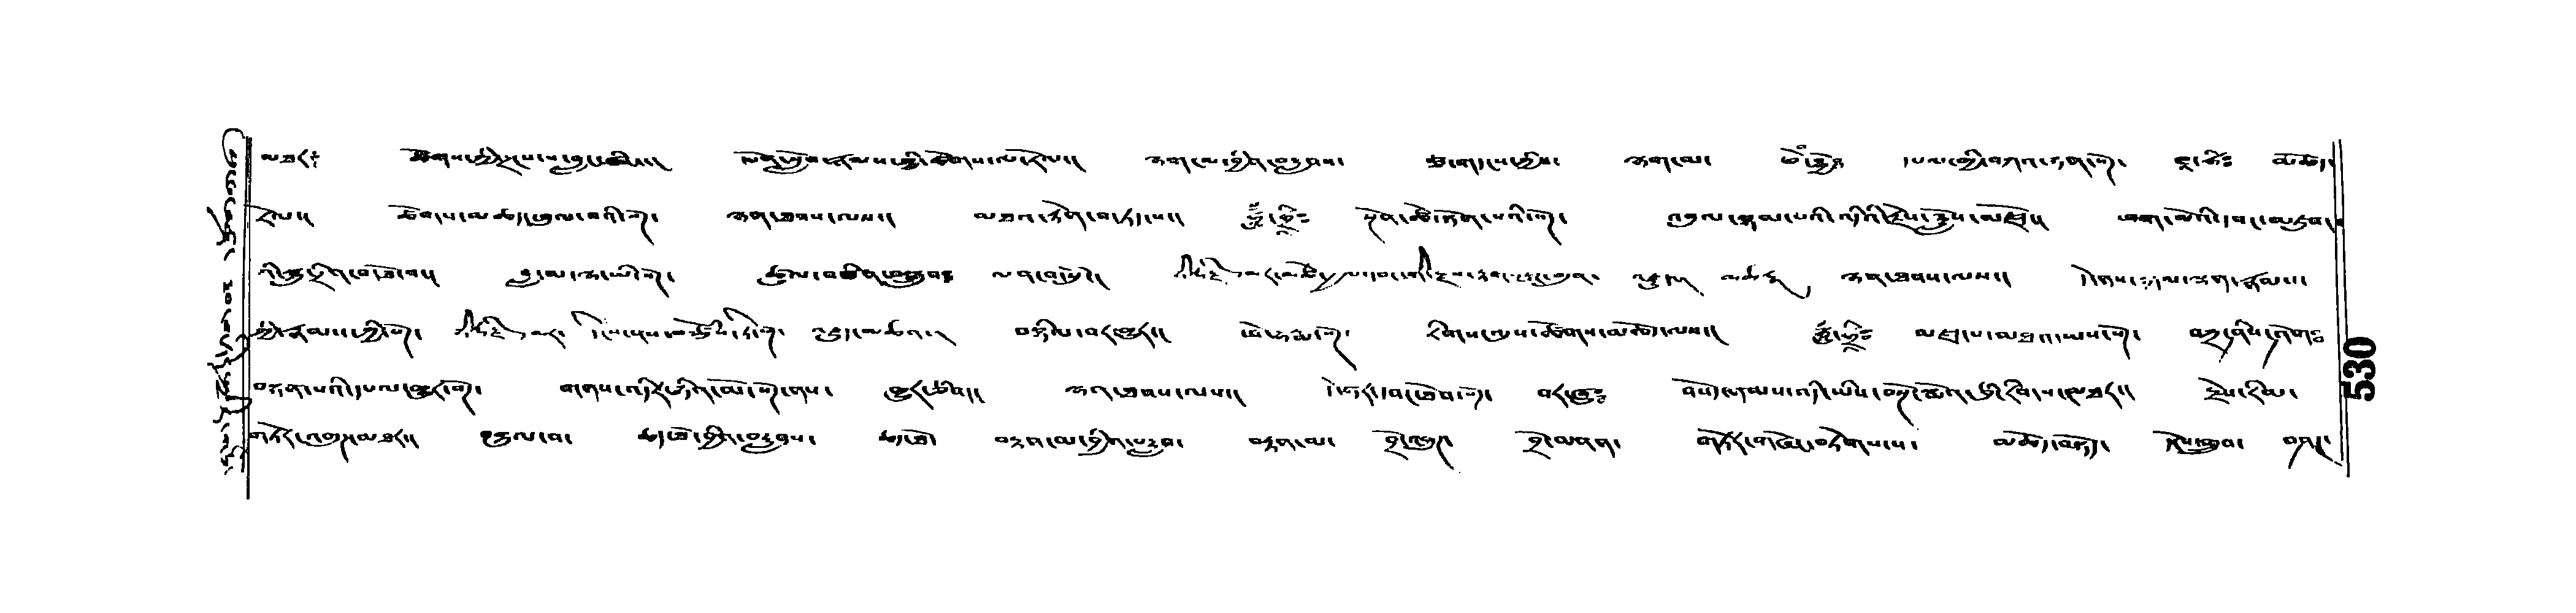མཐར། ཚོགས་ཀྱི་དྲངས་པ་བླང་ཞིང་། དཔོན་སློབ་རྣམས་ཀྱི་ཚོགས་ལ་རོལ། ལྷག་མ་བྱིན་བརླབས། རྩ་གདངས་ཀྱིས། ལྷག་མ། ཕེཾ་བྷྱོ༔ དཔལ་གྱི་བཀའ་ཉན་སོགས། ཁཱ་ཧིཿ མཆོད་
རོལ། ཚོགས་མཆོད་ཕུལ་བའི་སོགས། ལྷན་ཐབས་ལས་མཐའ་རྟེན་གཏད་པ། ཧཱུྃ་ཧྲཱིཿ སྔོན་ཚེ་སྟོན་པའ ི་སོགས། འབུལ་སྙམ་པ་འདིའི་རྗེས་ཟློས་མཛོད། ཕག་མོའི་དབང་མཇུག་
གི་སྐུ་དྲིན་གཟོབ་པ། བླ་མ་ལྷ་ཡི་སོགས། ས ཚུལ་བཞིན་བསྒྲུབ༔ ལན་གསུམ། ལྷན་ཐབས་ལས། དེ་ནས་སྐལ་ལྡན་རྣམས་ཀྱི་རྣམས་
ཀྱི་སོགས། བསྟིམ་བར་གྱུར། ཡེ་དྷརྨ་སོགས། རིགས་འདུས་ཚོགས་མཆོད་ལས། ཧཱུྃ་ཧྲཱིཿ མཛད་པ་མཐའ་ཡས་སོགས། བཀྲ་ཤིས་ཤོག༔ 
བསྟན་པའི་དཔལ་གྱུར་སོགས། གནས་འདིར་ཉིན་མོ་སོགས་ནས། གྱུར་ཅིག ལྷན་ཐབས་ལས། དེ་ལྟར་དབང་ཐོབ་སོགས། བར་ཞུ༔ བསོད་ནམས་འདི་ཡིས་སོགས་བསྔོ་སྨོན་ཅི་རིགས་མཐར། རྗེས་རིམ་
གཏོར་འགུགས་མཐར། བསྐུལ་བ། ཆད་ཐོ་བྱིན་བརླབས། ཆད་ཐོ། བརྟན་མ་བྱིན་བརླབ། བརྟན་མ། བྲོ་འགུགས། བྲོ་མནན། གཏོར་གཞོང་བཏེགས་པ། མཆོད་བསྟོད། དངོས་གྲུབ། བཤགས་